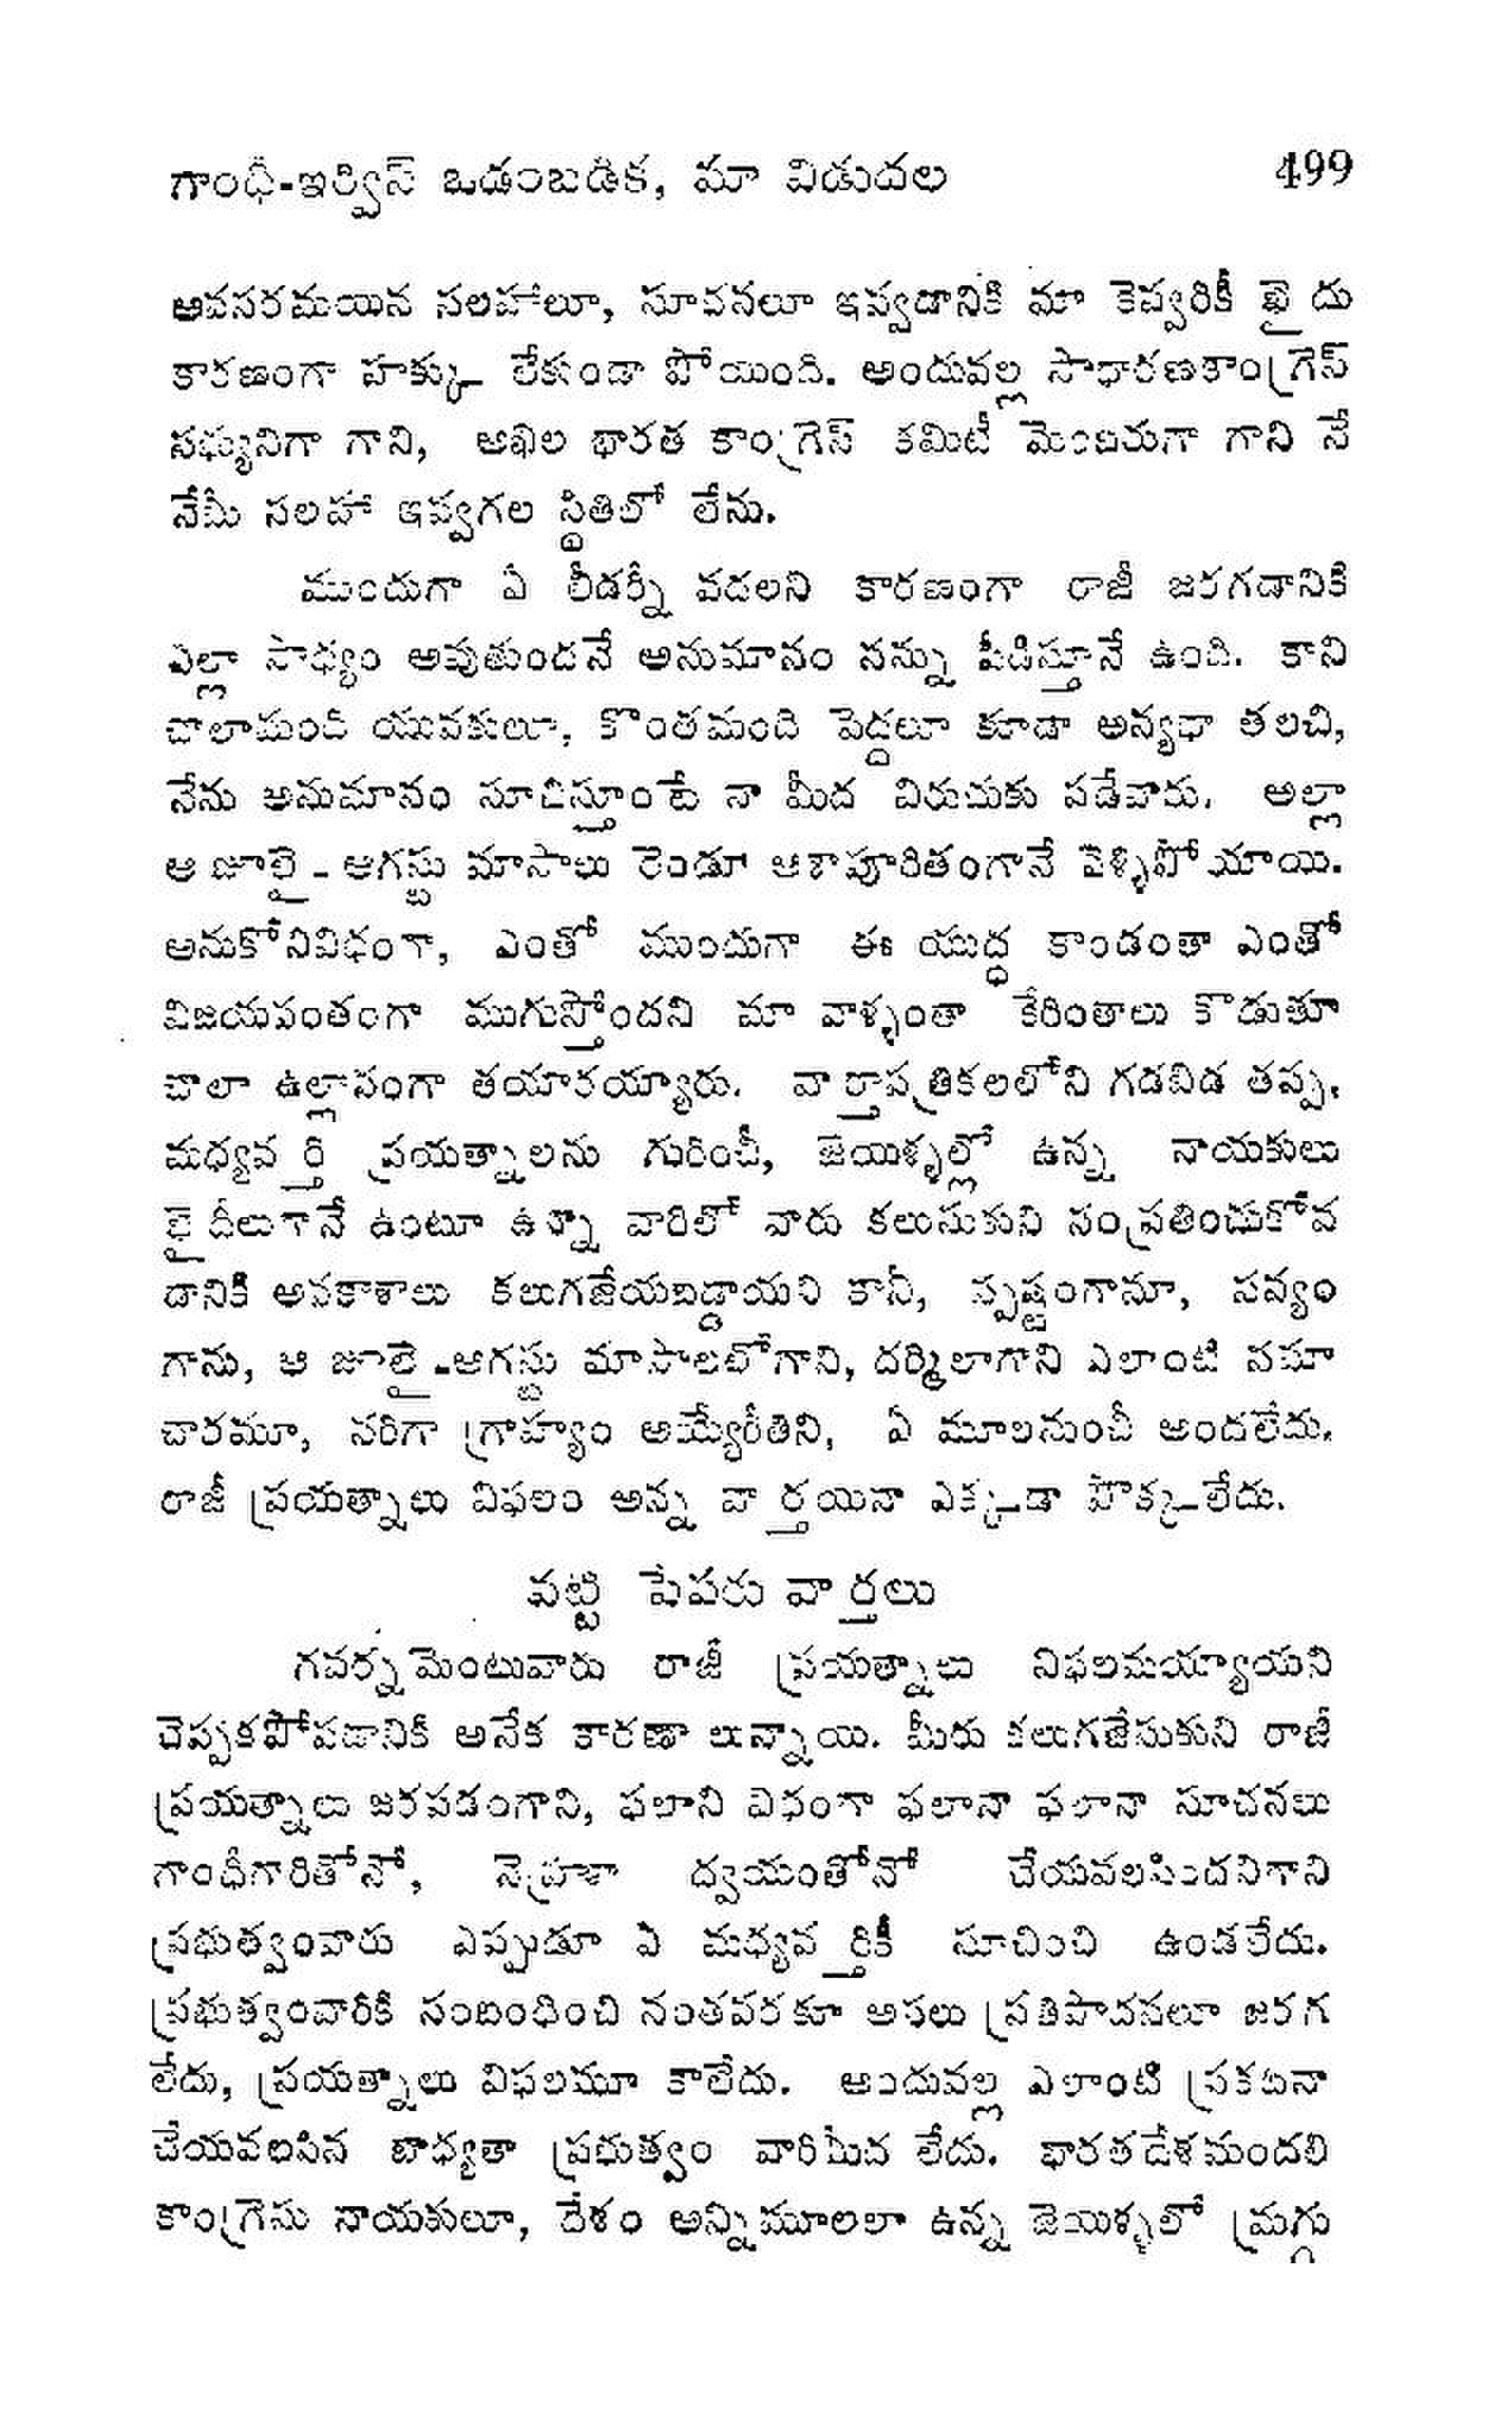అవసరమయిన సలహాలు, సూచనలూ ఇవ్వడానికి మా కెవ్వరికీ ఖైదు కారణంగా హక్కు లేకుండా పోయింది. అందువల్ల సాధారణకాంగ్రెస్ సభ్యునిగా గాని, అఖిల భారత కాంగ్రెస్ కమిటీ మెంబరుగా గాని నేనేమీ సలహా ఇవ్వగల స్థితిలో లేను.

ముందుగా ఏ లీడర్నీ వదలని కారణంగా రాజీ జరగడానికి ఎల్లా సాధ్యం అవుతుందనే అనుమానం నన్ను పీడిస్తూనే ఉంది. కాని చాలామంది యువకులూ, కొంతమంది పెద్దలూ కూడా అన్యధా తలచి, నేను అనుమానం సూచిస్తూంటే నామీద విరుచుకు పడేవారు. అల్లా ఆ జూలై - ఆగస్టు మాసాలు రెండూ ఆశాపూరితంగానే వెళ్ళిపోయాయి. అనుకోని విధంగా, ఎంతో ముందుగా ఈ యుద్ధ కాండంతా ఎంతో విజయవంతంగా ముగుస్తోందని మా వాళ్ళంతా కేరింతలు కొడుతూ చాలా ఉల్లాసంగా తయారయ్యారు. వార్తాపత్రికలలోని గడబిడ తప్ప, మధ్యవర్తి ప్రయత్నాలను గురించీ, జెయిళ్ళల్లో ఉన్న నాయకులు ఖైదీలుగానే ఉంటూ ఉన్నా వారిలో వారు కలుసుకుని సంప్రతించుకోవడానికి అవకాశాలు కలుగజేయబడ్డాయని కానీ, స్పష్టంగానూ, సవ్యంగాను, ఆ జూలై - ఆగస్టు మాసాలలో గాని, దర్మిలాగాని ఎలాంటి సమాచారమూ, సరిగా గ్రాహ్యం అయ్యేరీతిని, ఏ మూలనుంచీ అందలేదు. రాజీ ప్రయత్నాలు విఫలం అన్న వార్తయినా ఎక్కడా పొక్కలేదు.

గవర్నమెంటువారు రాజీ ప్రయత్నాలు విఫలమయ్యాయని చెప్పకపోవడానికి అనేక కారణా లున్నాయి. మీరు కలుగజేసుకుని రాజీ ప్రయత్నాలు జరపడంగాని, ఫలాని విధంగా ఫలానా ఫలానా సూచనలు గాంధీగారితోనో, నెహ్రూ ద్వయంతోనో చేయవల సిందనిగాని ప్రభుత్వంవారు ఎప్పుడూ ఏ మధ్యవర్తికీ సూచించి ఉండలేదు. ప్రభుత్వం వారికి సంబంధించి నంతవరకూ అసలు ప్రతిపాదనలూ జరగలేదు, ప్రయత్నాలు విఫలమూ కాలేదు. అందువల్ల ఎలాంటి ప్రకటనా చేయవలసిన బాధ్యతా ప్రభుత్వం వారిమీద లేదు. భారతదేశమందలి కాంగ్రెసు నాయకులూ, దేశం అన్నిమూలలా ఉన్న జెయిళ్ళలో మ్రగ్గు